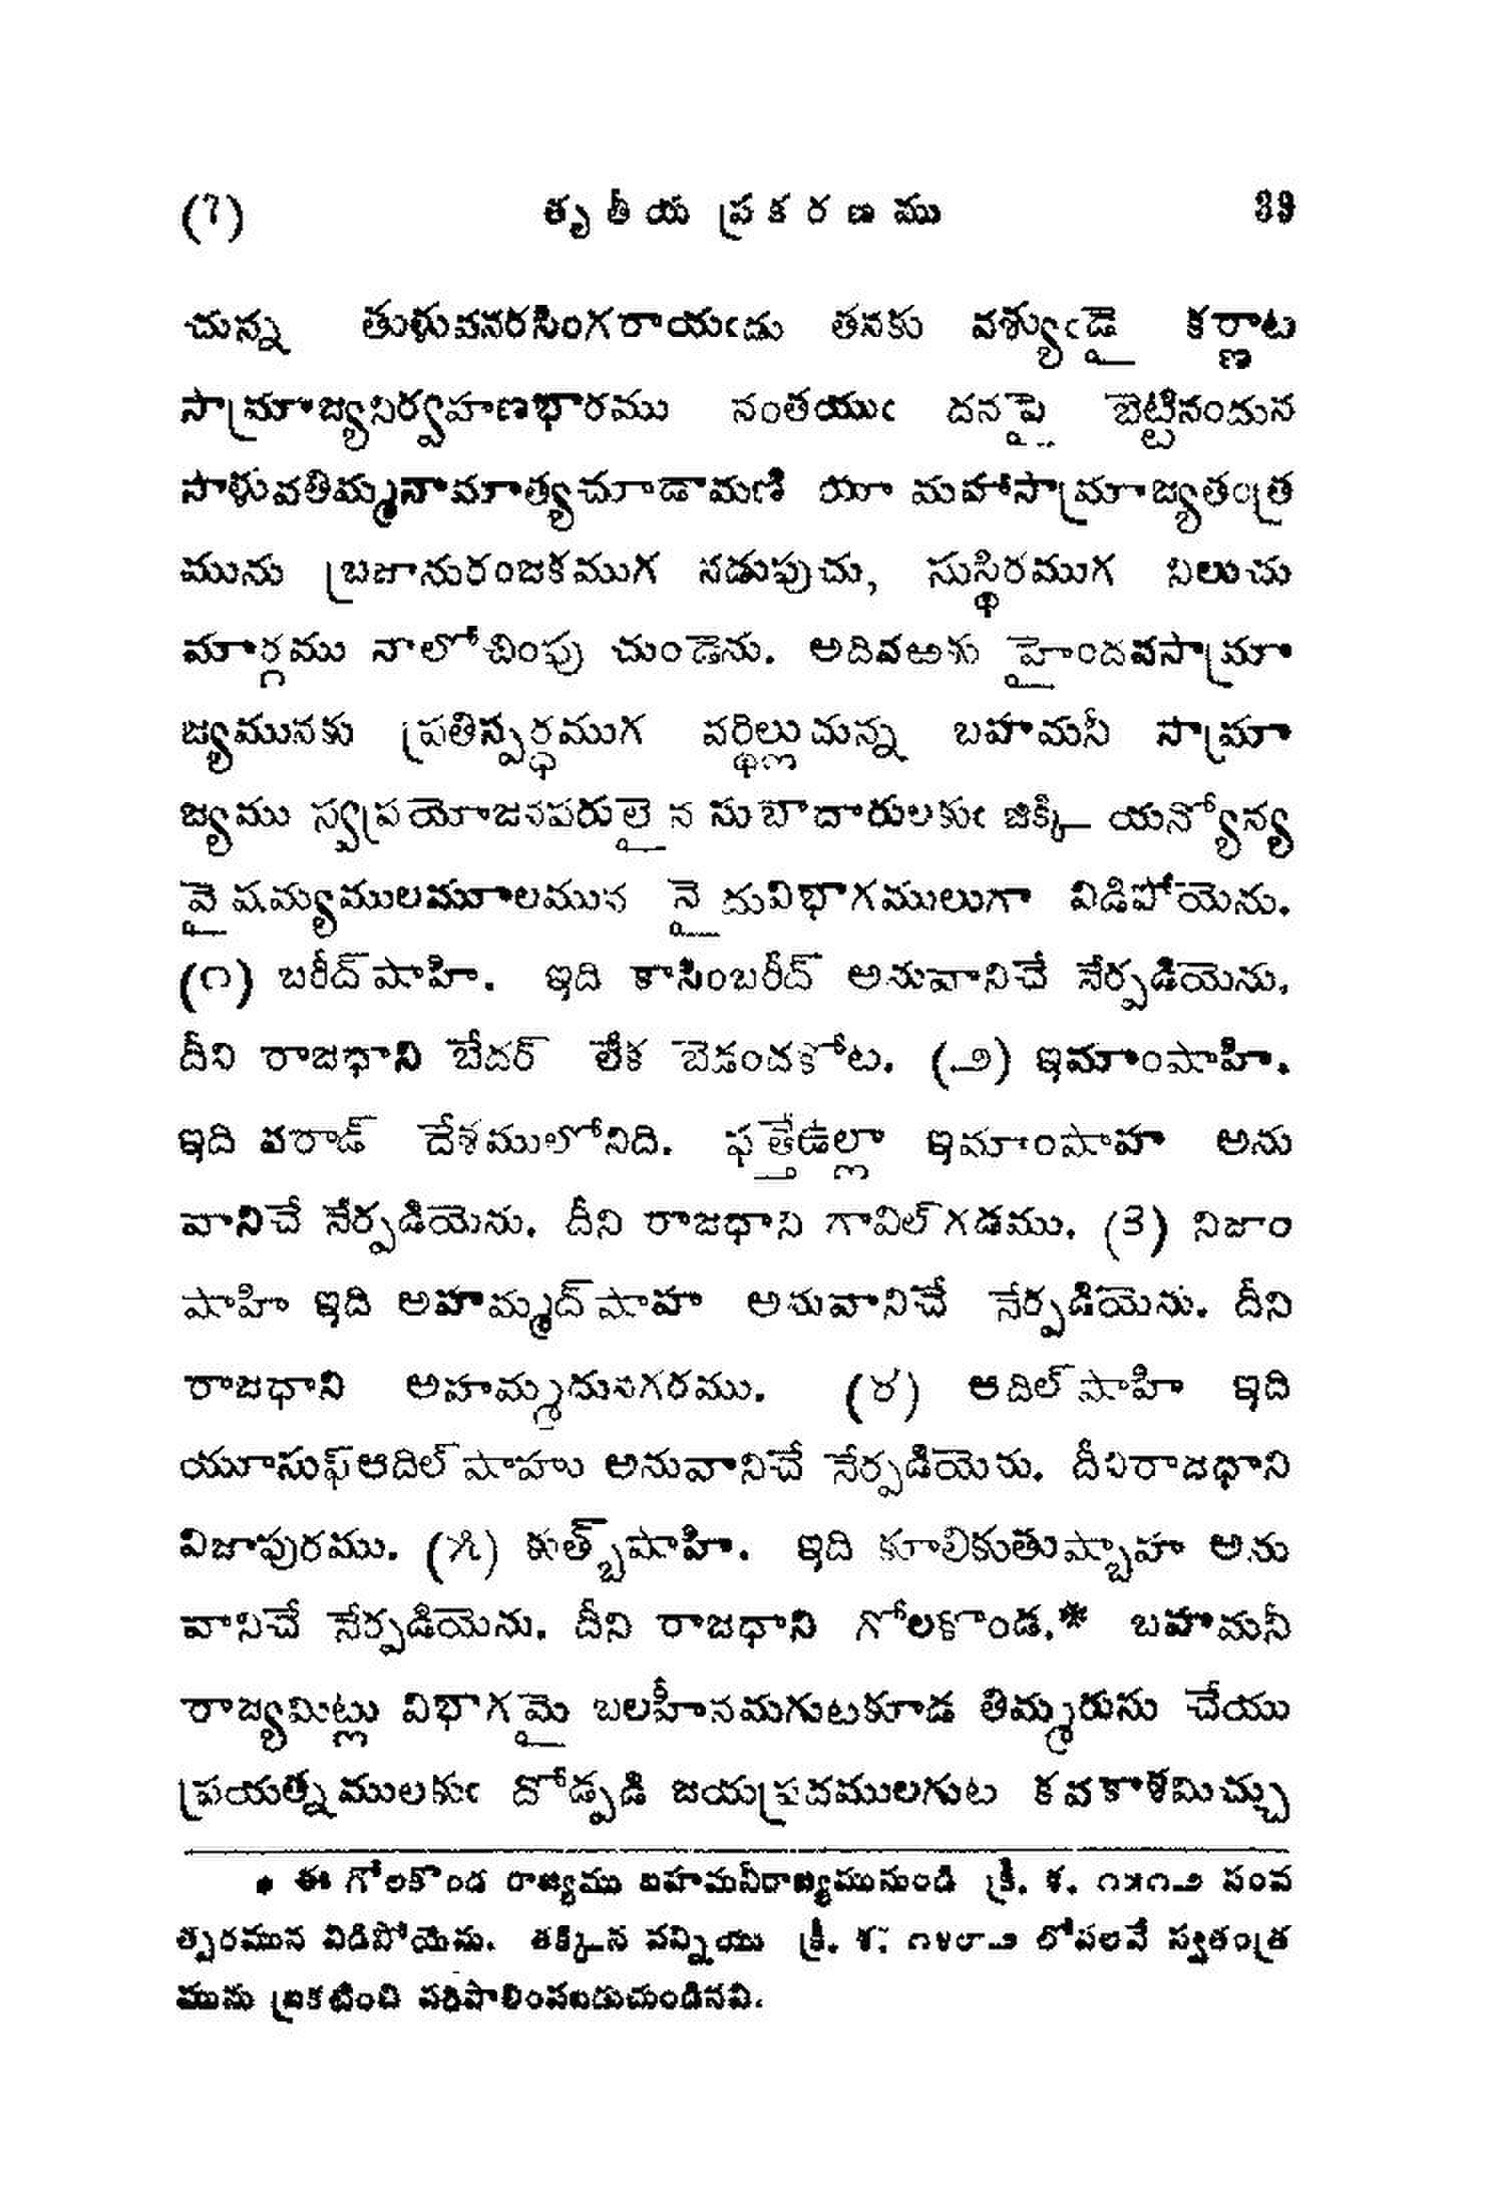చున్న తుళువనరసింగరాయఁడు తనకు వశ్యుఁడై కర్ణాట సామ్రాజ్యనిర్వహణభారము నంతయుఁ దనపై బెట్టినందున సాళువతిమ్మనామాత్యచూడామణి యా మహాసామ్రాజ్యతంత్రమును బ్రజానురంజకముగ నడుపుచు, సుస్థిరముగ నిలుచుమార్గము నాలోచింపు చుండెను. అదివఱకు హైందవసామ్రాజ్యమునకు ప్రతిస్పర్ధముగ వర్థిల్లుచున్న బహమనీ సామ్రాజ్యము స్వప్రయోజనపరులైన సుబాదారులకుఁ జిక్కి యన్యోన్య వైషమ్యములమూలమున నైదువిభాగములుగా విడిపోయెను. (1) బరీద్‌షాహి, ఇది కాసింబరీద్ అనువానిచే నేర్పడియెను. దీని రాజధాని బేదర్ లేక బెడందకోట. (2) ఇమాంషాహి. ఇది పరాడ్ దేశములోనిది. ఫత్తేఉల్లా ఇమాంషాహ అను వానిచే నేర్పడియెను. దీని రాజధాని గావిల్ ‌గడము. (3) నిజాం షాహి ఇది అహమ్మద్‌షాహ అనువానిచే నేర్పడియెను. దీని రాజధాని అహమ్మదునగరము. (4) ఆదిల్‌షాహి ఇది యూసుఫ్‌ఆదిల్ షాహు అనువానిచే నేర్పడియెను. దీనిరాజధాని విజాపురము. (5) కుత్బ్‌షాహి. ఇది కూలికుత్బుషాహ అను వానిచే నేర్పడియెను. దీని రాజధాని గోలకొండ. బహమనీ రాజ్యమిట్లు విభాగమై బలహీనమగుటకూడ తిమ్మరుసు చేయు ప్రయత్నములకుఁ దోడ్పడి జయప్రదములగుట కవకాశమిచ్చు